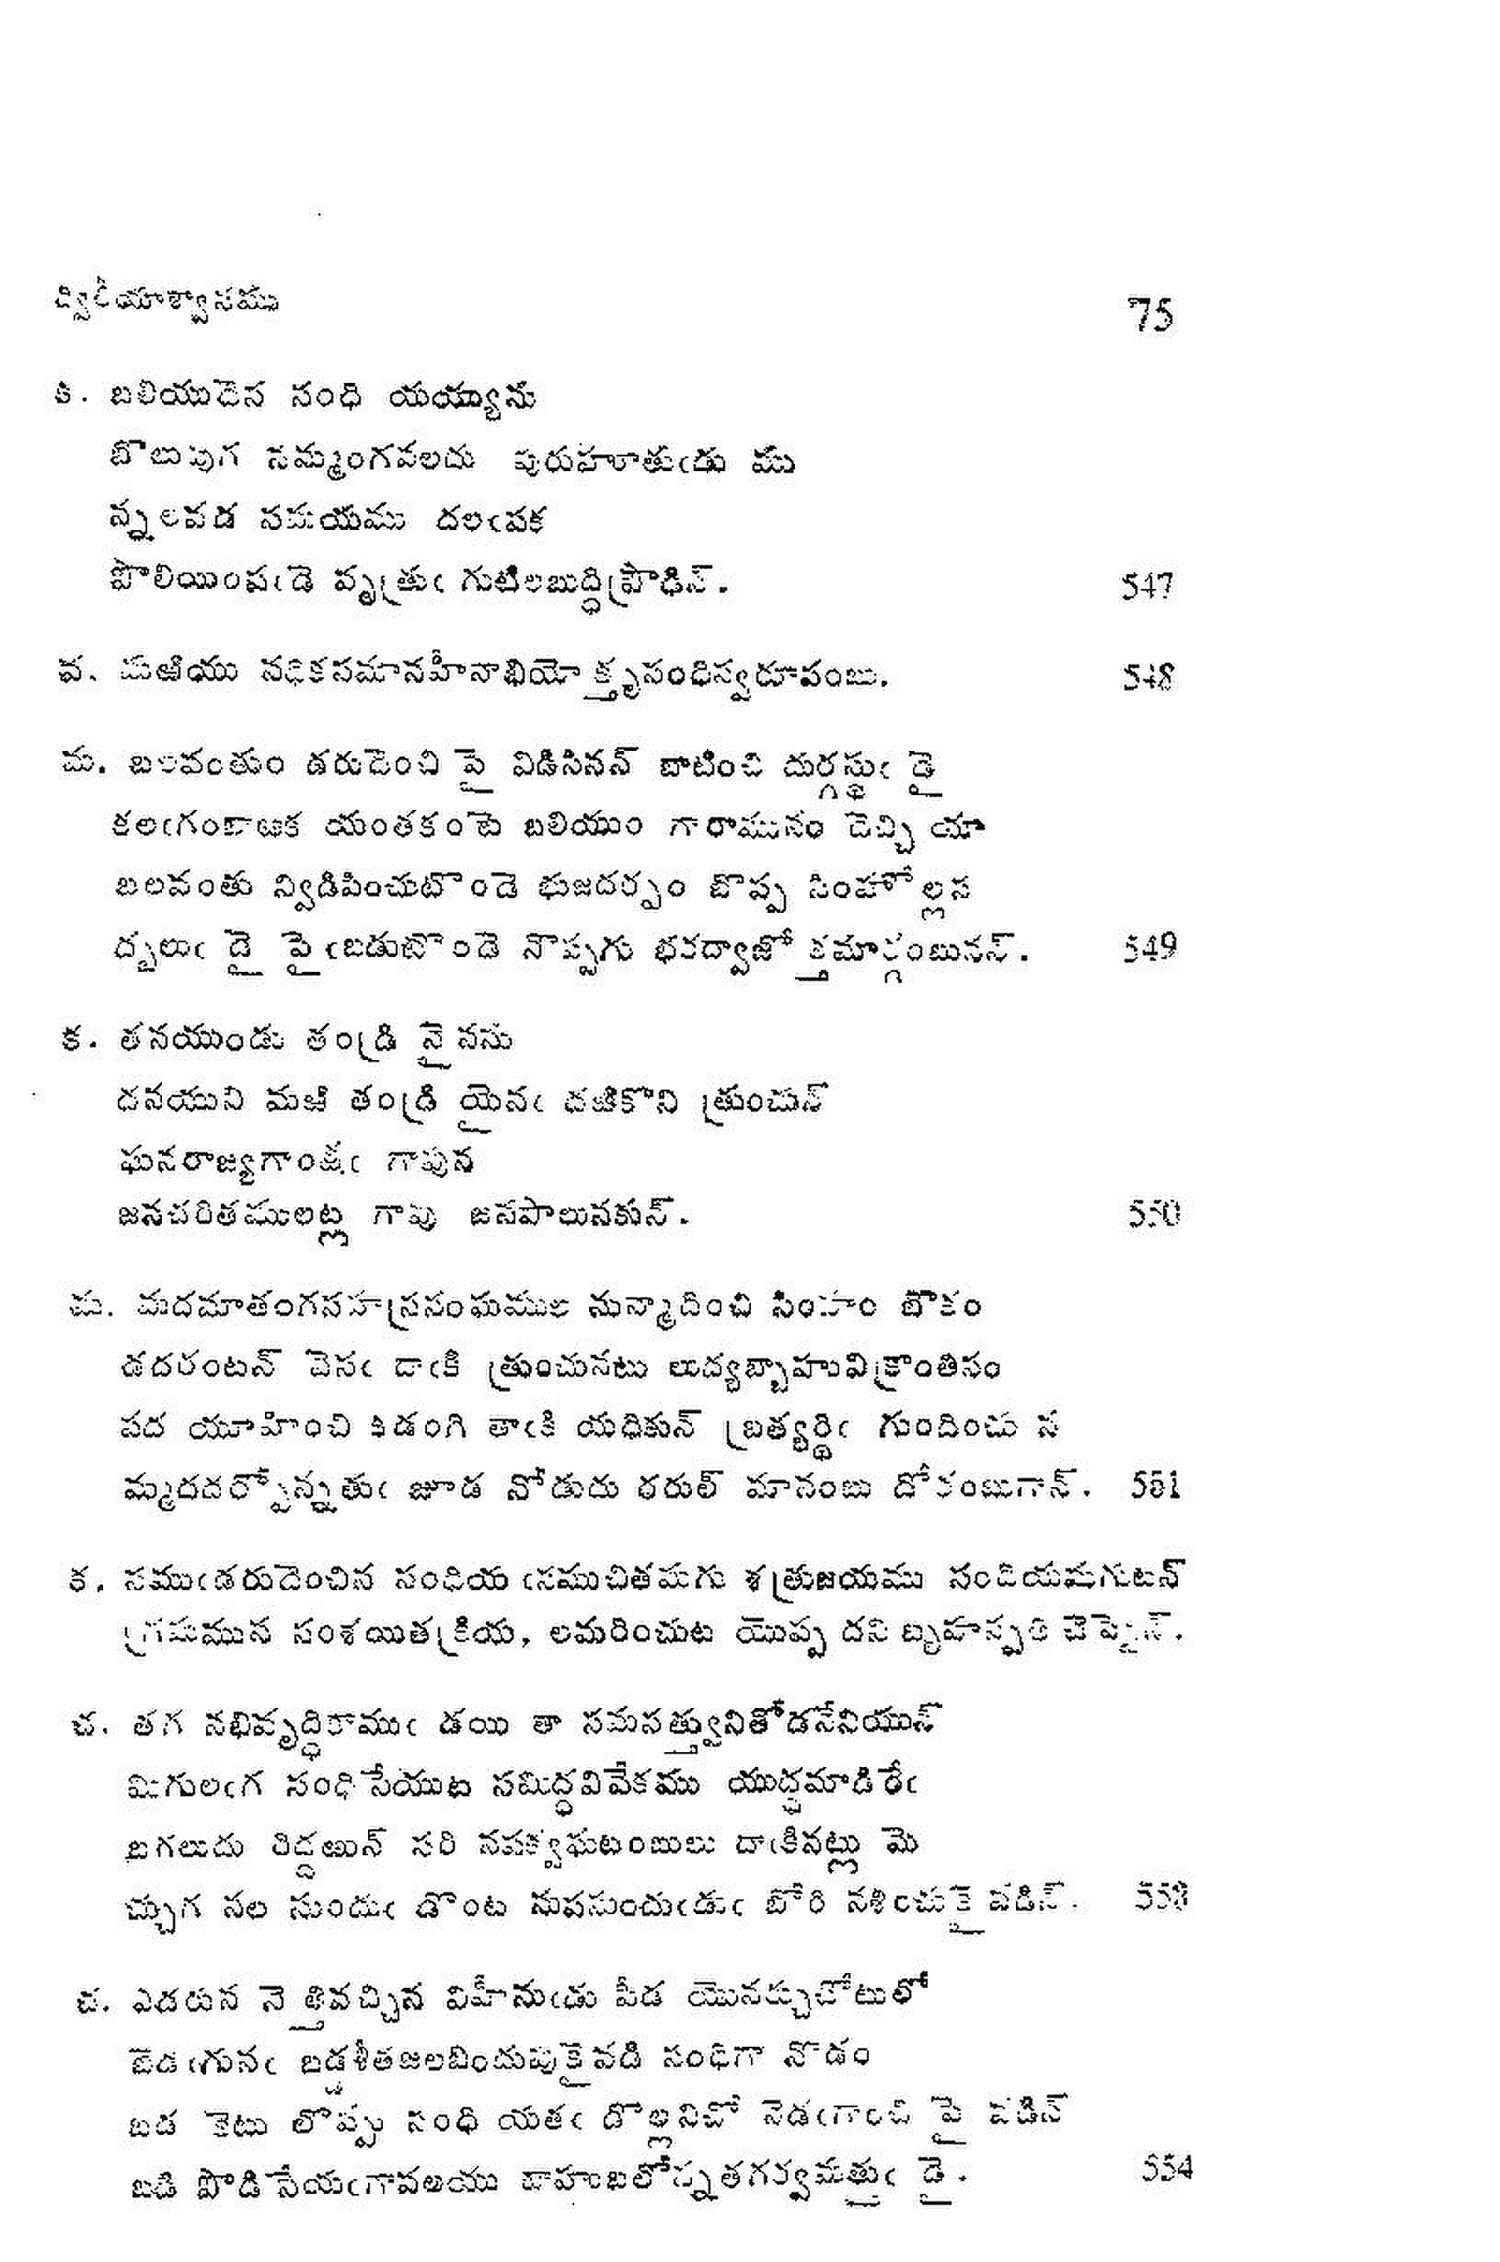క. బలియుదెస సంధి యయ్యును
బొలుపుగ నమ్మంగవలదు పురుహూతుఁడు ము
న్నలవడ సమయము దలఁపక
పొలియింపఁడె వృత్రుఁ గుటిలబుద్ధిప్రౌఢిన్. 547

వ. మఱియు నధికసమానహీనాభియోక్తృసంధిస్వరూపంబు. 548

మ. బలవంతుం డరుదెంచి పై విడిసినన్ బాటించి దుర్గస్థుఁ డై
కలఁగంబాఱక యంతకంటె బలియుం గారామునం దెచ్చి యా
బలవంతు న్విడిపించుటొండె భుజదర్పం బొప్ప సింహోల్లస
ద్బలుఁడై పైఁబడుటొండె నొప్పగు భరద్వాజోక్తమార్గంబునన్. 549

క. తనయుండు తండ్రి నైనను
దనయుని మఱి తండ్రి యైనఁ దఱికొని త్రుంచున్
ఘనరాజ్యకాంక్షఁ గావున
జనచరితములట్ల గావు జనపాలునకున్. 550

మ. మదమాతంగసహస్రసంఘముల నున్మాదించి సింహం బొకం
డదరంటన్ వెసఁ దాఁకి త్రుంచునటు లుద్యద్బాహువిక్రాంతిసం
పద యూహించి కడంగి తాఁకి యధికున్ బ్రత్యర్థిఁ గుందించు న
మ్మదదర్పోన్నతుఁ జూడ నోడుదు రరుల్ మానంబు దోరంబుగాన్. 551

క. సముఁ డరుదెంచిన సంధియఁ
సముచితమగు శత్రుజయము సందియమగుటన్
గ్రమమున సంశయితక్రియ
లమరించుట యొప్ప దని బృహస్పతి చెప్పెన్. 552

చ. తగ నభివృద్ధికాముఁ డయి తా సమసత్త్వునితోడనేనియున్
మిగులఁగ సంధిసేయుట సమిద్ధవివేకము యుద్ధమాడిరేఁ
బగలుదు రిద్దఱున్ సరి నపక్వఘటంబులు దాఁకినట్లు మె
చ్చుగ నల సుందుఁ డొంట నుపసుందుఁడుఁ బోరి నశించుకైవడిన్. 553

చ. ఎడరున నెత్తివచ్చిన విహీనుఁడు పీడ యొనర్చుచోటులో
బెడఁగునఁ బడ్డ శీతజలబిందువు కైవడి సంధిగా నొడల
బడ కెటు లొప్పు సంధి యతఁ డొల్లనిచో నెడఁగాంచి పై వడిన్
బడి పొడిసేయఁగావలయు బాహుబలోన్నతగర్వమత్తుఁ డై. 554